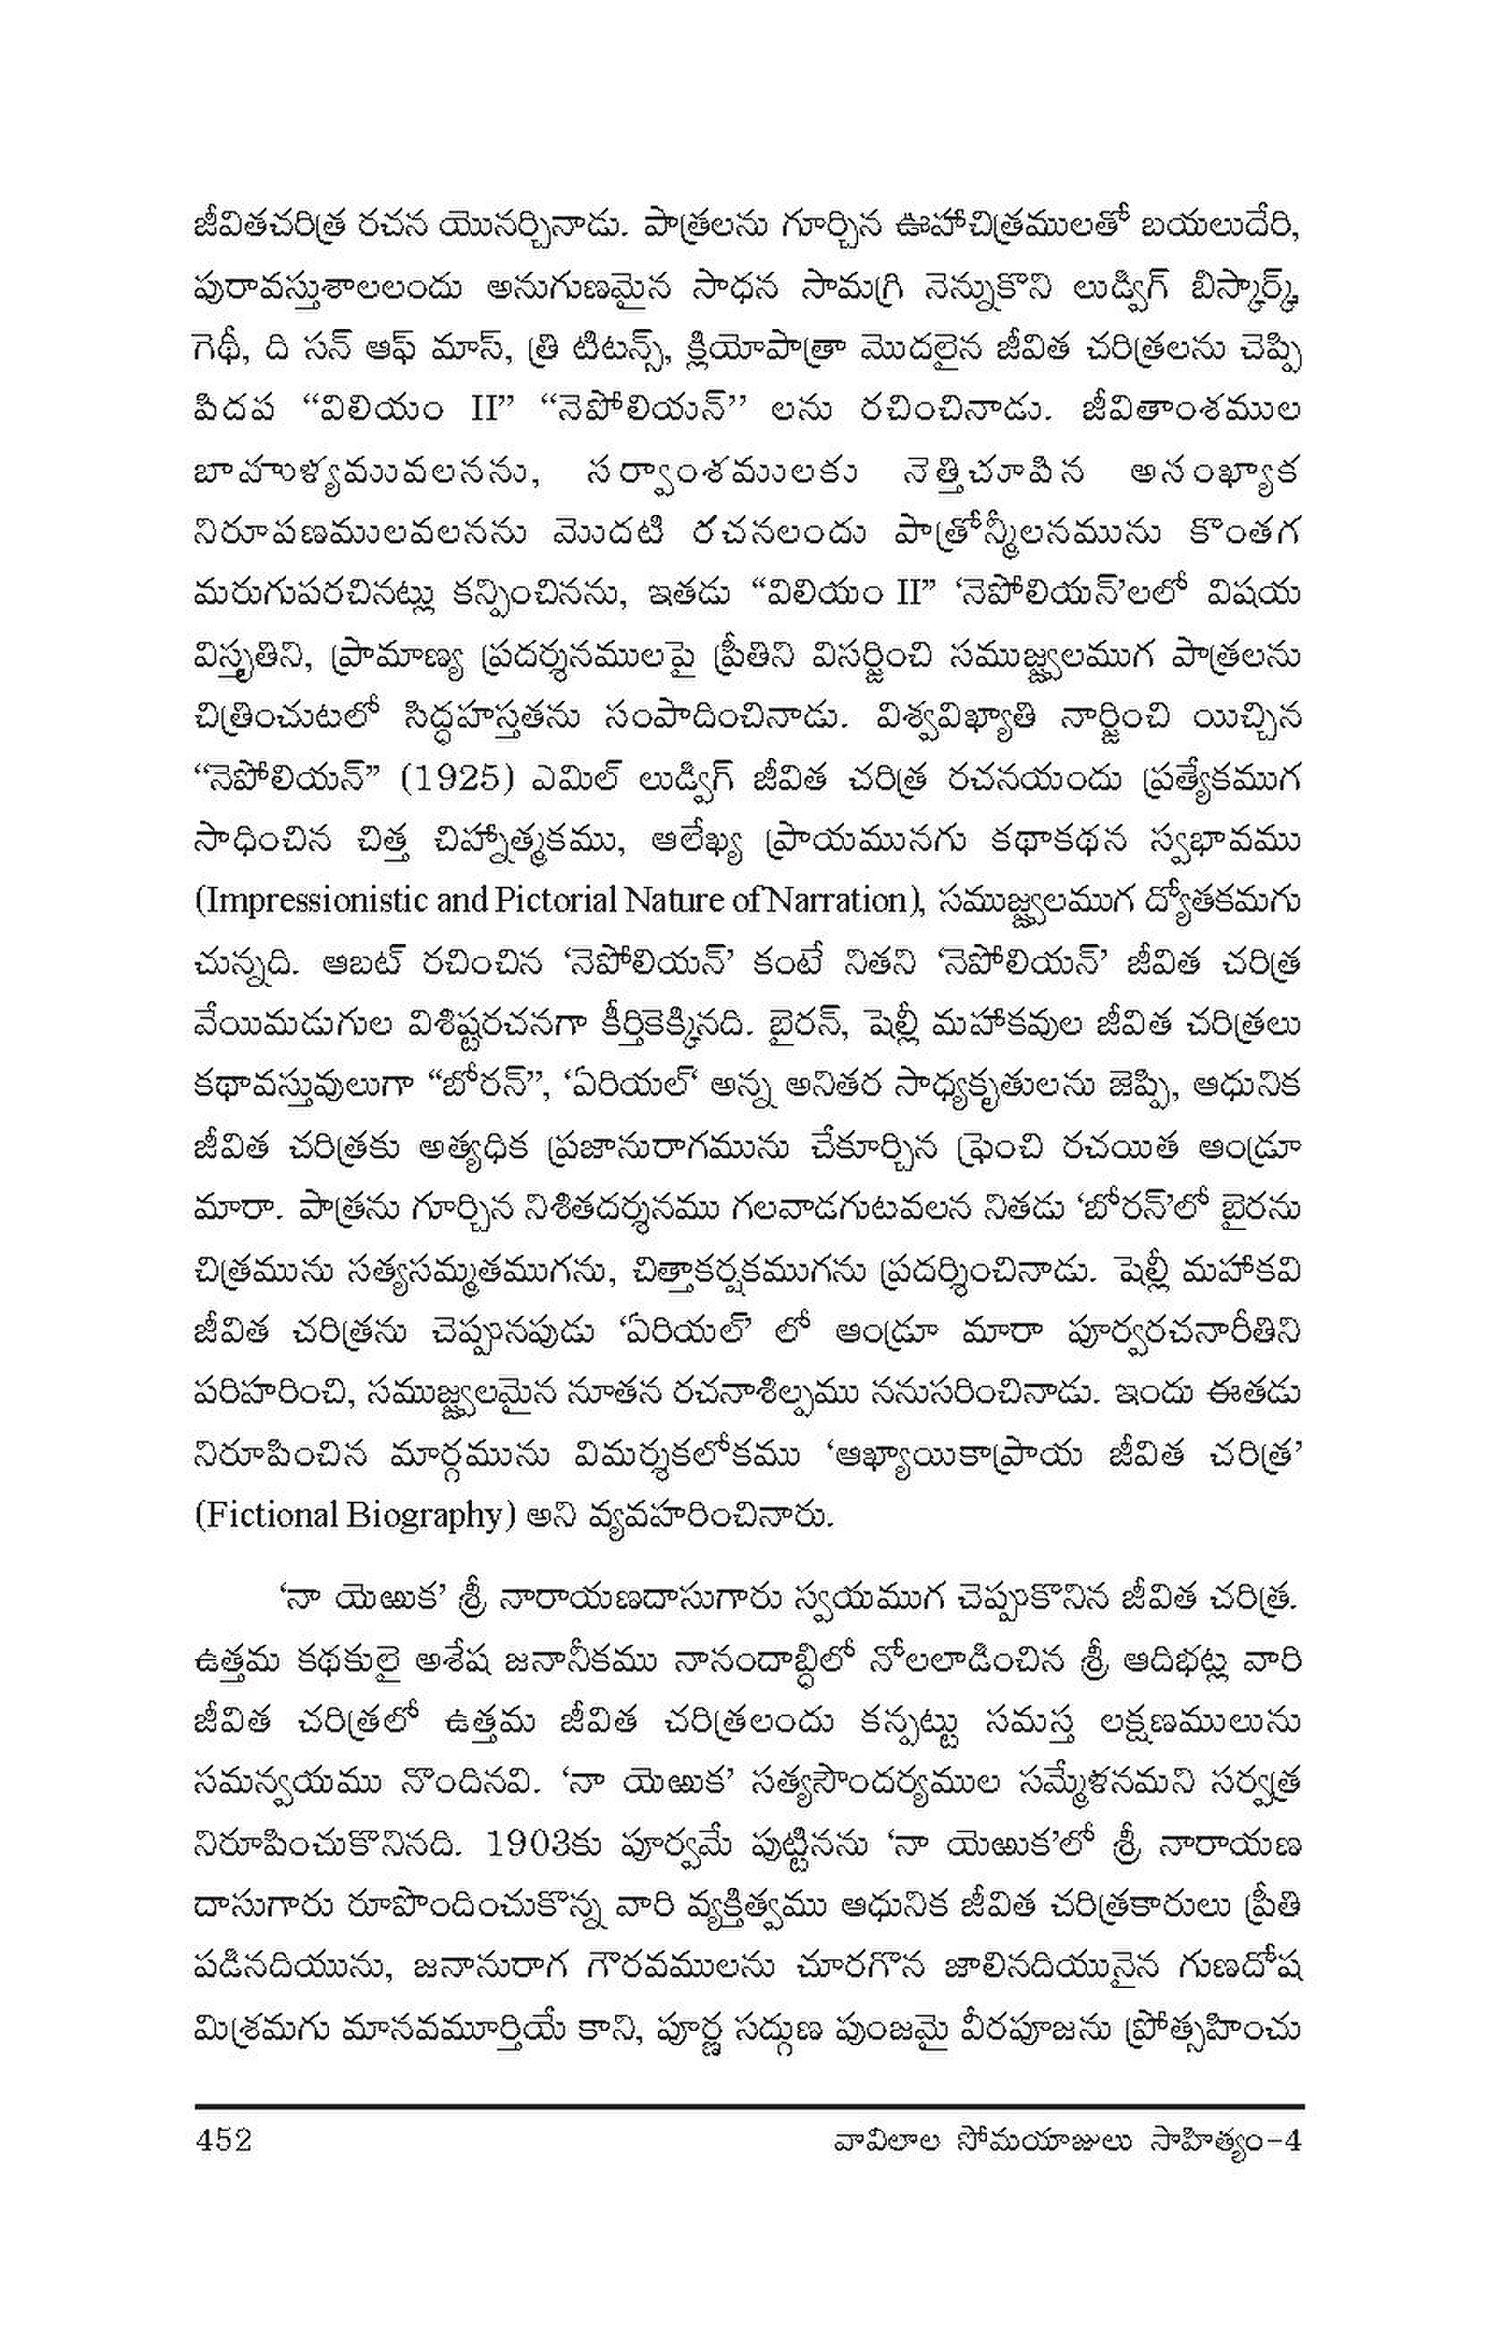జీవితచరిత్ర రచన యొనర్చినాడు. పాత్రలను గూర్చిన ఊహాచిత్రములతో బయలుదేరి,
పురావస్తుశాలలందు అనుగుణమైన సాధన సామగ్రి నెన్నుకొని లుడ్విగ్ బిస్కార్క్
గెథీ, ది సన్ ఆఫ్ మాస్, త్రి టిటన్స్, క్లియోపాత్రా మొదలైన జీవిత చరిత్రలను చెప్పి
పిదప "విలియం II" "నెపోలియన్" లను రచించినాడు. జీవితాంశముల
బాహుళ్యమువలనను, సర్వాంశములకు నెత్తిచూపిన అసంఖ్యాక
నిరూపణములవలనను మొదటి రచనలందు పాత్రోన్మీలనమును కొంతగ
మరుగుపరచినట్లు కన్పించినను, ఇతడు "విలియం II" నెపోలియన్'లలో విషయ
విస్తృతిని, ప్రామాణ్య ప్రదర్శనములపై ప్రీతిని విసర్జించి సముజ్జ్వలముగ పాత్రలను
చిత్రించుటలో సిద్దహస్తతను సంపాదించినాడు. విశ్వవిఖ్యాతి నార్జించి యిచ్చిన
“నెపోలియన్" (1925) ఎమిల్ లుడ్విగ్ జీవిత చరిత్ర రచనయందు ప్రత్యేకముగ
సాధించిన చిత్త చిహ్నాత్మకము, ఆలేఖ్య ప్రాయమునగు కథాకథన స్వభావము
(Impressionistic and Pictorial Nature of Narration), సముజ్జ్వలముగ ద్యోతకమగు
చున్నది. ఆబట్ రచించిన 'నెపోలియన్' కంటే నితని 'నెపోలియన్' జీవిత చరిత్ర
వేయిమడుగుల విశిష్టరచనగా కీర్తికెక్కినది. బైరన్, షెల్లీ మహాకవుల జీవిత చరిత్రలు
కథావస్తువులుగా “బోరన్', 'ఏరియల్' అన్న అనితర సాధ్యకృతులను జెప్పి, ఆధునిక
జీవిత చరిత్రకు అత్యధిక ప్రజానురాగమును చేకూర్చిన ఫ్రెంచి రచయిత ఆండ్రూ
మారా. పాత్రను గూర్చిన నిశితదర్శనము గలవాడగుటవలన నితడు 'బోరన్' లో బైరను
చిత్రమును సత్యసమ్మతముగను, చిత్తాకర్షకముగను ప్రదర్శించినాడు. షెల్లీ మహాకవి
జీవిత చరిత్రను చెప్పునపుడు 'ఏరియల్' లో ఆండ్రూ మారా పూర్వరచనారీతిని
పరిహరించి, సముజ్జ్వలమైన నూతన రచనాశిల్పము ననుసరించినాడు. ఇందు ఈతడు
నిరూపించిన మార్గమును విమర్శకలోకము 'అఖ్యాయికాప్రాయ జీవిత చరిత్ర'
(Fictional Biography) అని వ్యవహరించినారు.

'నా యెఱుక' శ్రీ నారాయణదాసుగారు స్వయముగ చెప్పుకొనిన జీవిత చరిత్ర.
ఉత్తమ కథకులై అశేష జనానీకము నానందాబ్దిలో నోలలాడించిన శ్రీ ఆదిభట్ల వారి
జీవిత చరిత్రలో ఉత్తమ జీవిత చరిత్రలందు కన్పట్టు సమస్త లక్షణములును
సమన్వయము నొందినవి. 'నా యెఱుక' సత్యసౌందర్యముల సమ్మేళనమని సర్వత్ర
నిరూపించుకొనినది. 1903కు పూర్వమే పుట్టినను 'నా యెఱుక'లో శ్రీ నారాయణ
దాసుగారు రూపొందించుకొన్న వారి వ్యక్తిత్వము ఆధునిక జీవిత చరిత్రకారులు ప్రీతి
పడినదియును, జనానురాగ గౌరవములను చూరగొన జాలినదియునైన గుణదోష
మిశ్రమగు మానవమూర్తియే కాని, పూర్ణ సద్గుణ పుంజమై వీరపూజను ప్రోత్సహించు